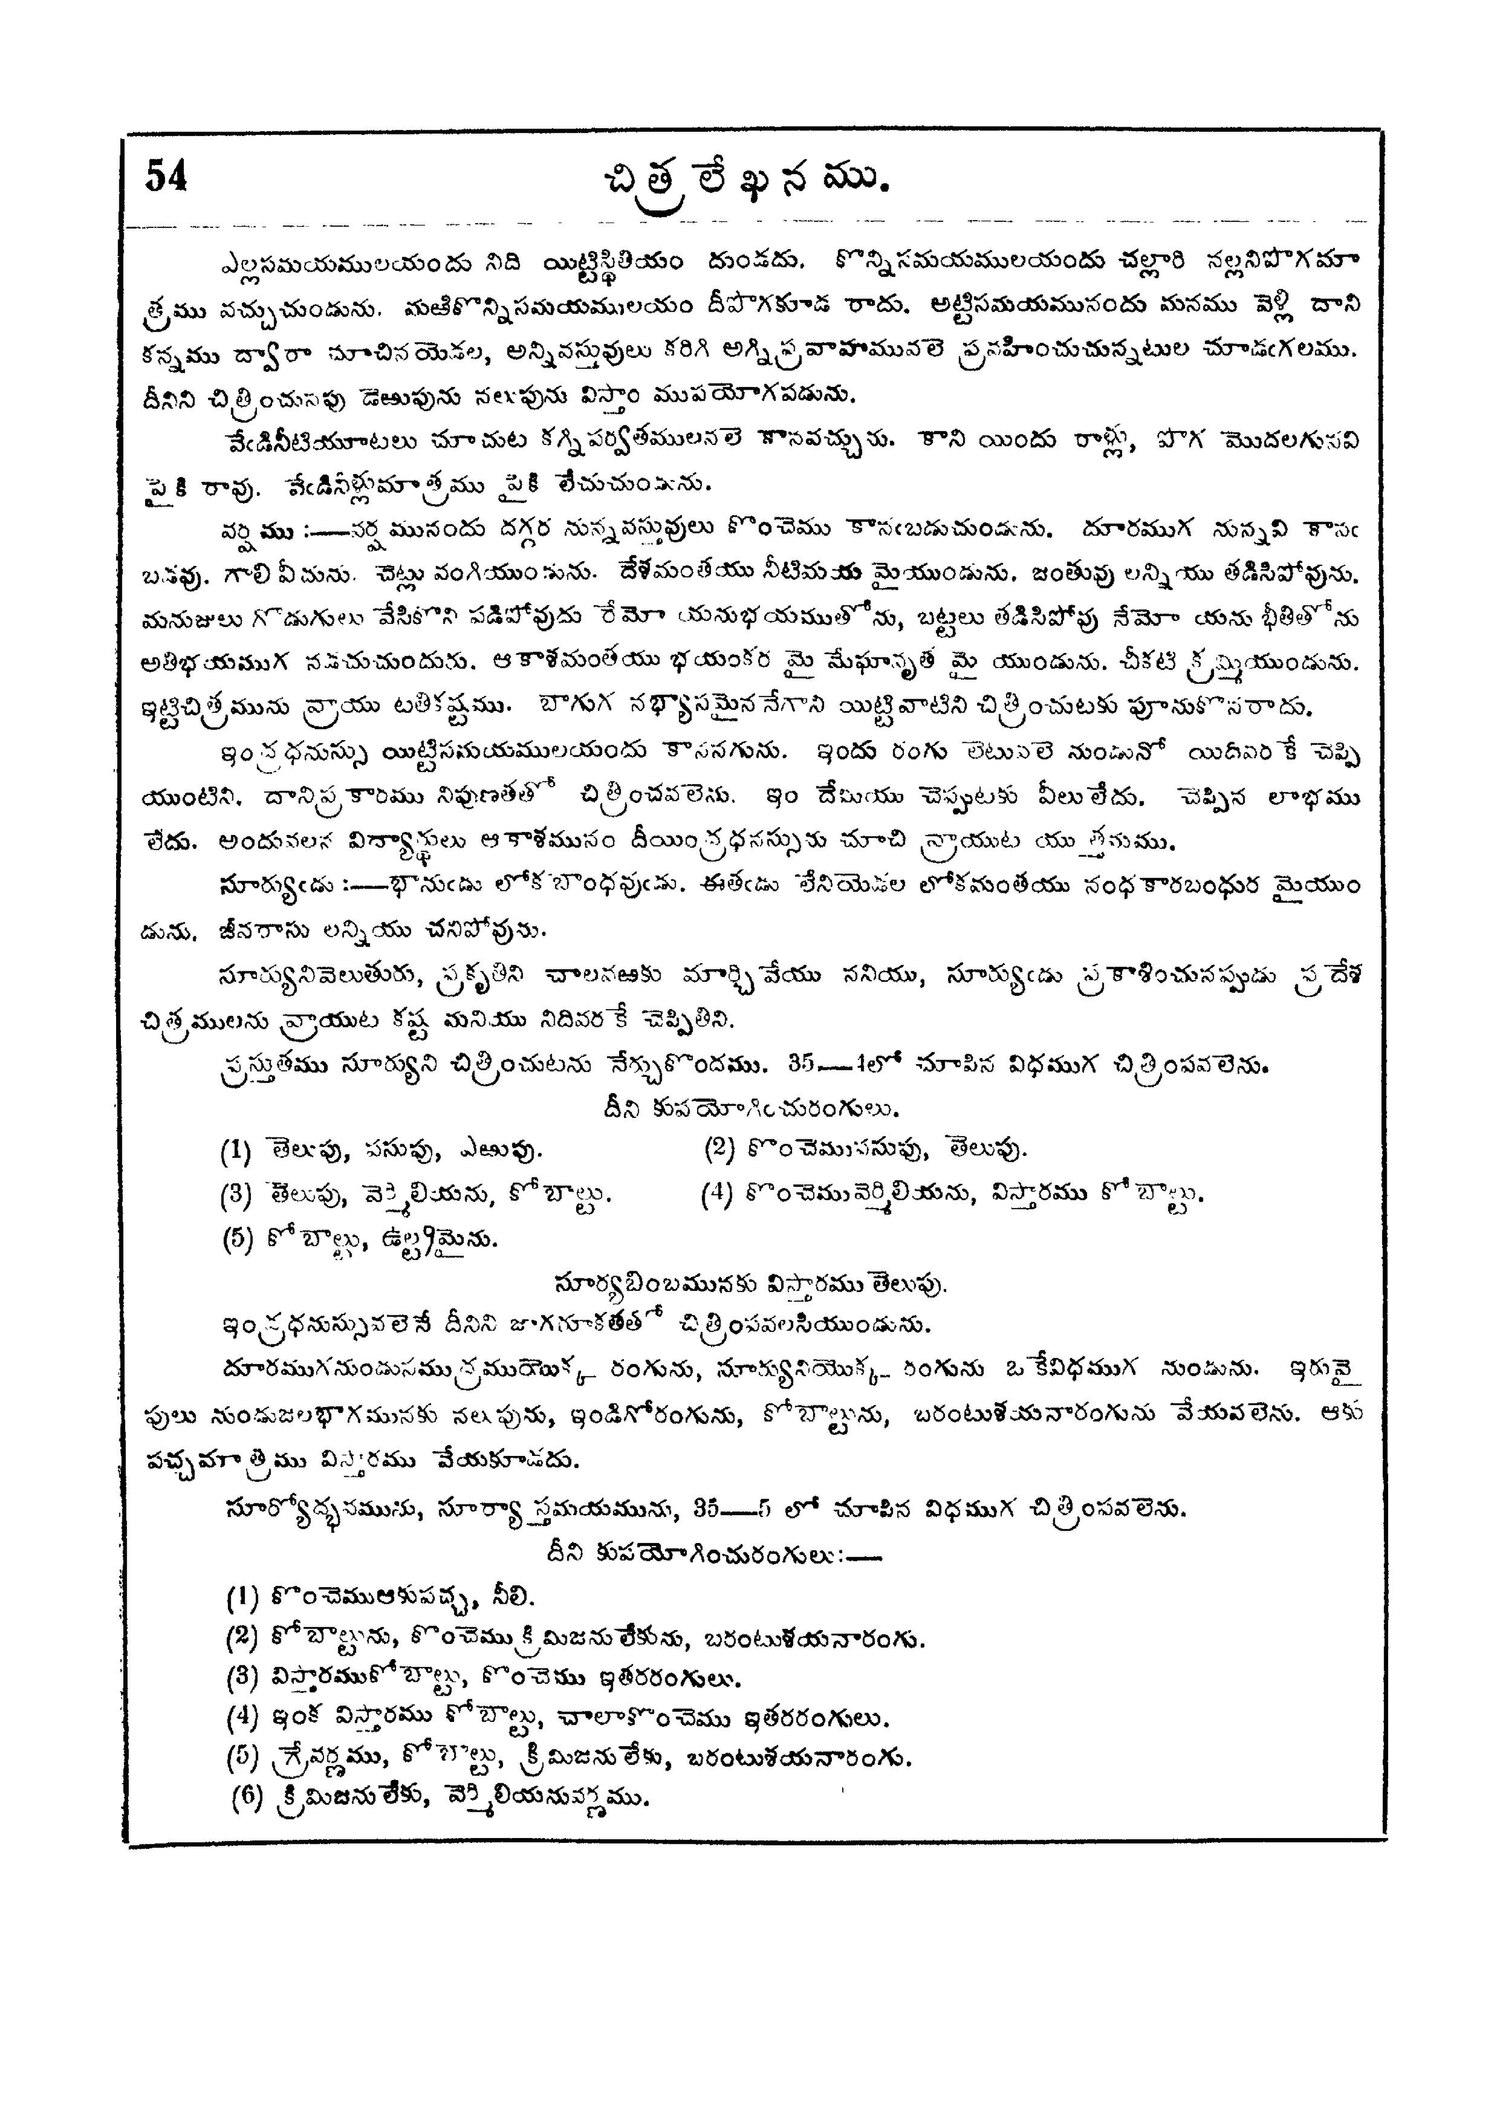ఎల్లసమయములయందు నిది యిట్టిస్థితియం దుండదు. కొన్నిసమయములయందు చల్లారి నల్లనిపొగమాత్రము వచ్చుచుండును. మఱికొన్నిసమయములయం దీపొగకూడ రాదు. అట్టిసమయమునందు మనము వెళ్లి దాని కన్నము ద్వారా చూచినయెడల, అన్నివస్తువులు కరిగి అగ్నిప్రవాహమువలె ప్రవహించుచున్నటుల చూడగలము. దీనిని చిత్రించునపు డెఱుపును నలుపును విస్తార ముపయోగపడును.

వేడినీటియూటలు చూచుట కగ్నిపర్వతమువలె కానవచ్చును. కాని యిందు రాళ్లు, పొగ మొదలగునవి పైకి రావు. వేడినీళ్లుమాత్రము పైకి లేచుచుండును.

వర్షము :- వర్షమునందు దగ్గర నున్నవస్తువులు కొంచెము కానబడుచుండును. దూరముగ నున్నవి కాన బడవు. గాలివీచును చెట్లు వంగియుండును. దేశమంతయు నీటిమయమైయుండును. జంతువు లన్నియు తడిసిపోవును. మనుజులు గొడుగులు వేసికొని పడిపోవుదు రేమో యనుభయముతోను, బట్టలు తడిసిపోవు నేమో యను భీతితోను అతిభయముగ నడచుచుండురు. ఆకాశమంతయు భయంకర మై మేఘావృత మై యుండును. చీకటి క్రమ్మియుండును. ఇట్టిచిత్రమును వ్రాయు టతికష్టము.బాగుగ నభ్యాసమైననేగాని యిట్టివాటిని చిత్రించుటకు పూనుకొనరాదు.

ఇంద్రధనుస్సు యిట్టిసమయములయందు కాననగును. ఇందు రంగు లెటువలె నుండునో యిదివరకే చెప్పి యుంటిని. దానిప్రకారము నిపుణతతో చిత్రించవలెను. ఇం దేమియు చెప్పుటకు వీలులేదు. చెప్పిన లాభము లేదు. అందువలన విద్యార్థులు ఆకాశమునం దీయొంద్రధనస్సును చూచి వ్రాయుట యుత్తమము.

సూర్యుడు :- భానుడు లోకబాంధవుడు. ఈతడు లేనియెడల లోకమంతయు నంధకారబంధుర మైయుండును. జీవరాసు లన్నియు చనిపోవును.

సూర్యునివెలుతురు, ప్రకృతిని చాలవఱకు మార్చి వేయు ననియు, సూర్యుడు ప్రకాశించునప్పుడు ప్రదేశ చిత్రములను వ్రాయుట కష్ట మనియు నిదివరకే చెప్పితిని.

ప్రస్తుతము సూర్యుని చిత్రించుటను నేర్చుకొందము. 35 - 4 లో చూపిన విధముగ చిత్రింపవలెను.

ఇంద్రధనుస్సువలెనే దీనిని జాగరూకతతో చిత్రింపవలసియుండును.

దూరముగనుండుసముద్రముయొక్క రంగును, సూర్యునియొక్క రంగును ఒకేవిధముగ నుండును. ఇరువైపులు నుండుజలభాగమునకు నలుపును, ఇండిగోరంగును, కొబాల్టును, బరంటుశయనారంగును వేయవలెను.ఆకుపచ్చమాత్రము విస్తారము వేయకూడదు.

సూర్యోదయమును, సూర్యాస్తమయమును, 35 - 5 లో చూసిన విధముగ చిత్రింపవలెను.

దీని కుపయోగించురంగులు:- 

(1) కొంచెము ఆకుపచ్చ, నీలి. 

(2) కోబాల్టును, కొంచెము క్రిమిజనులేకును, బరంటుశయనారంగు. 

(3) విస్తారముకోబాల్టు, కొంచెము ఇతరరంగులు. 

(4) ఇంక విస్తారము కోబాల్టు, చాలకొంచెము ఇతరరంగులు. 

(5) గ్రేవర్ణము, కోబాల్టు, క్రిమిజనులేకు, బరంటుశయనారంగు. 

(6) క్రిమిజనులేకు, వెర్మిలియనువర్ణము.